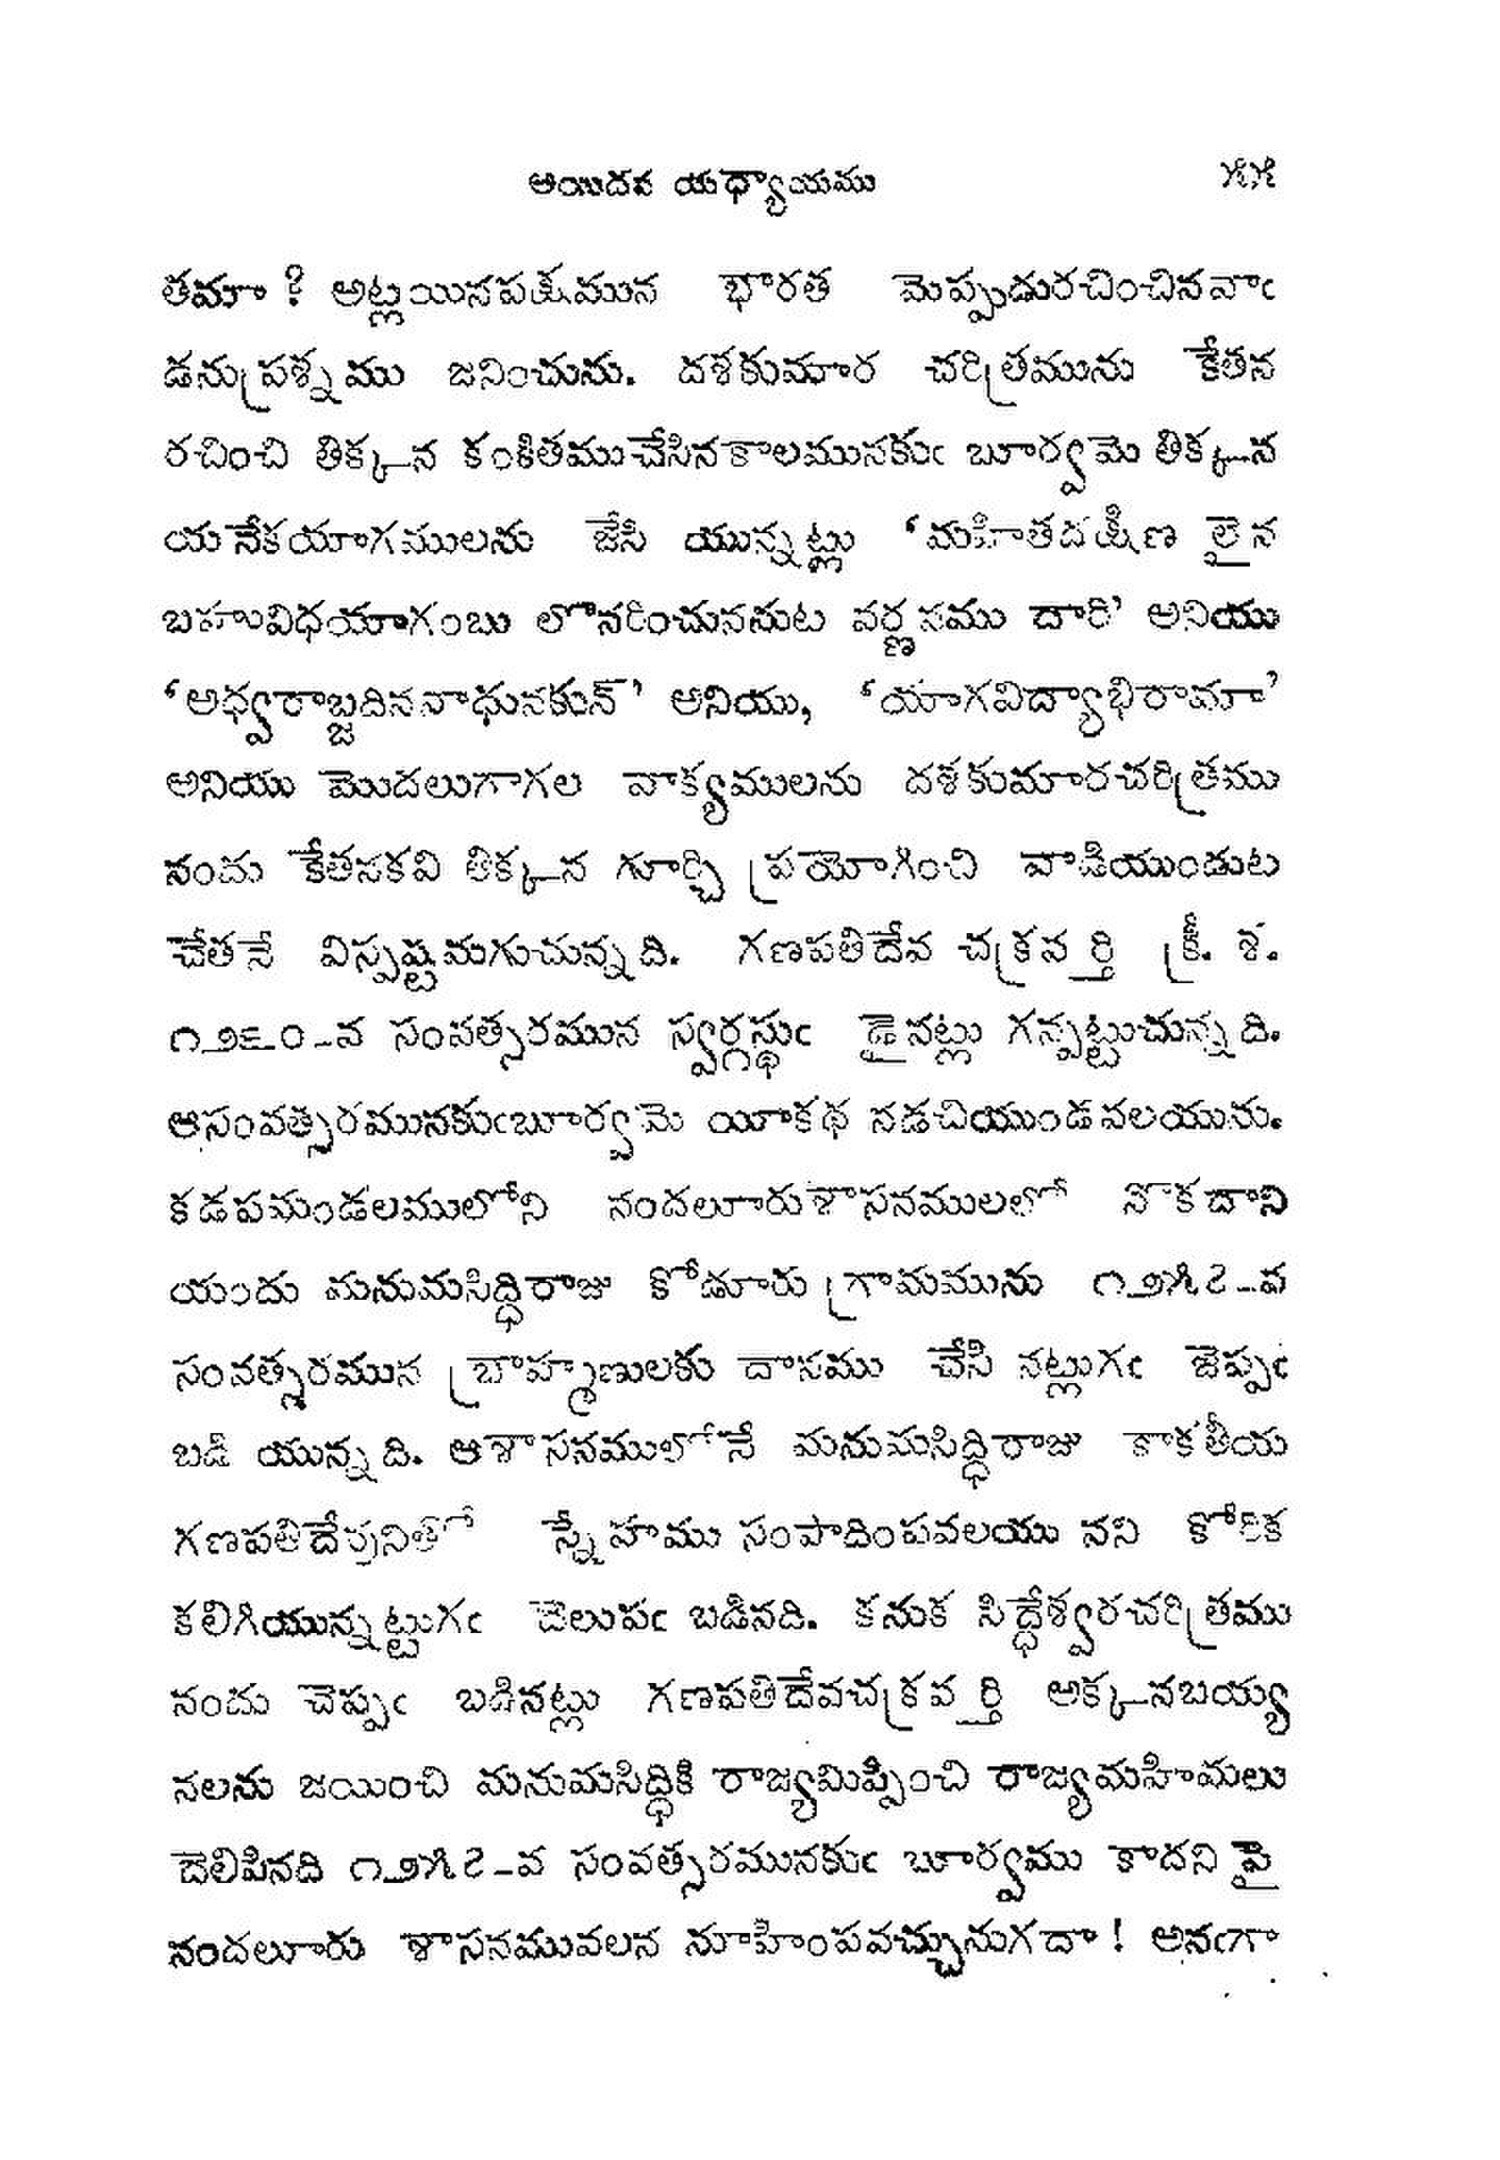తమా? అట్లయినపక్షమున భారత మెప్పుడురచించిననాఁడనుప్రశ్నము జనించును. దశకుమార చరిత్రమును కేతన రచించి తిక్కన కంకితముచేసిన కాలమునకుఁ బూర్వమె తిక్కన యనేకయాగములను జేసి యున్నట్లు 'మహితదక్షిణ లైన బహువిధయాగంబు లొనరించుననుట వర్ణపము దారి' అనియు 'అధ్వరాబ్జదిననాధునకున్' అనియు, 'యాగవిద్యాభిరామా' అనియు మొదలుగాగల వాక్యములను దశకుమారచరిత్రమునందు కేతనకవి తిక్కన గూర్చి ప్రయోగించి వాడియుండుట చేతనే విస్పష్టమగుచున్నది. గణపతిదేవ చక్రవర్తి క్రీ. శ. 1260 వ సంవత్సరమున స్వర్గస్థుఁ డైనట్లు గన్పట్టుచున్నది. ఆ సంవత్సరమునకుఁబూర్వమె యీకథ నడచియుండవలయును. కడపమండలములోని నందలూరు శాసనములలో నొకదాని యందు మనుమసిద్దిరాజు కోడూరు గ్రామమును 1257-వ సంవత్సరమున బ్రాహ్మణులకు దానము చేసి నట్లుగఁ జెప్పఁబడి యున్నది. ఆశాసనములోనే మనుమసిద్దిరాజు కాకతీయ గణపతిదేవునితో స్నేహము సంపాదింపవలయు నని కోరిక కలిగియున్నట్టుగఁ దెలుపఁ బడినది. కనుక సిద్దేశ్వర చరిత్రము నందు చెప్పఁ బడినట్లు గణపతిదేవచక్రవర్తి అక్కనబయ్యనలను జయించి మనుమసిద్ధికి రాజ్యమిప్పించి రాజ్యమహిమలు దెలిపినది 1257 వ సంవత్సరమునకుఁ బూర్వము కాదని పై నందలూరు శాసనమువలన నూహింపవచ్చునుగదా ! అనఁగా